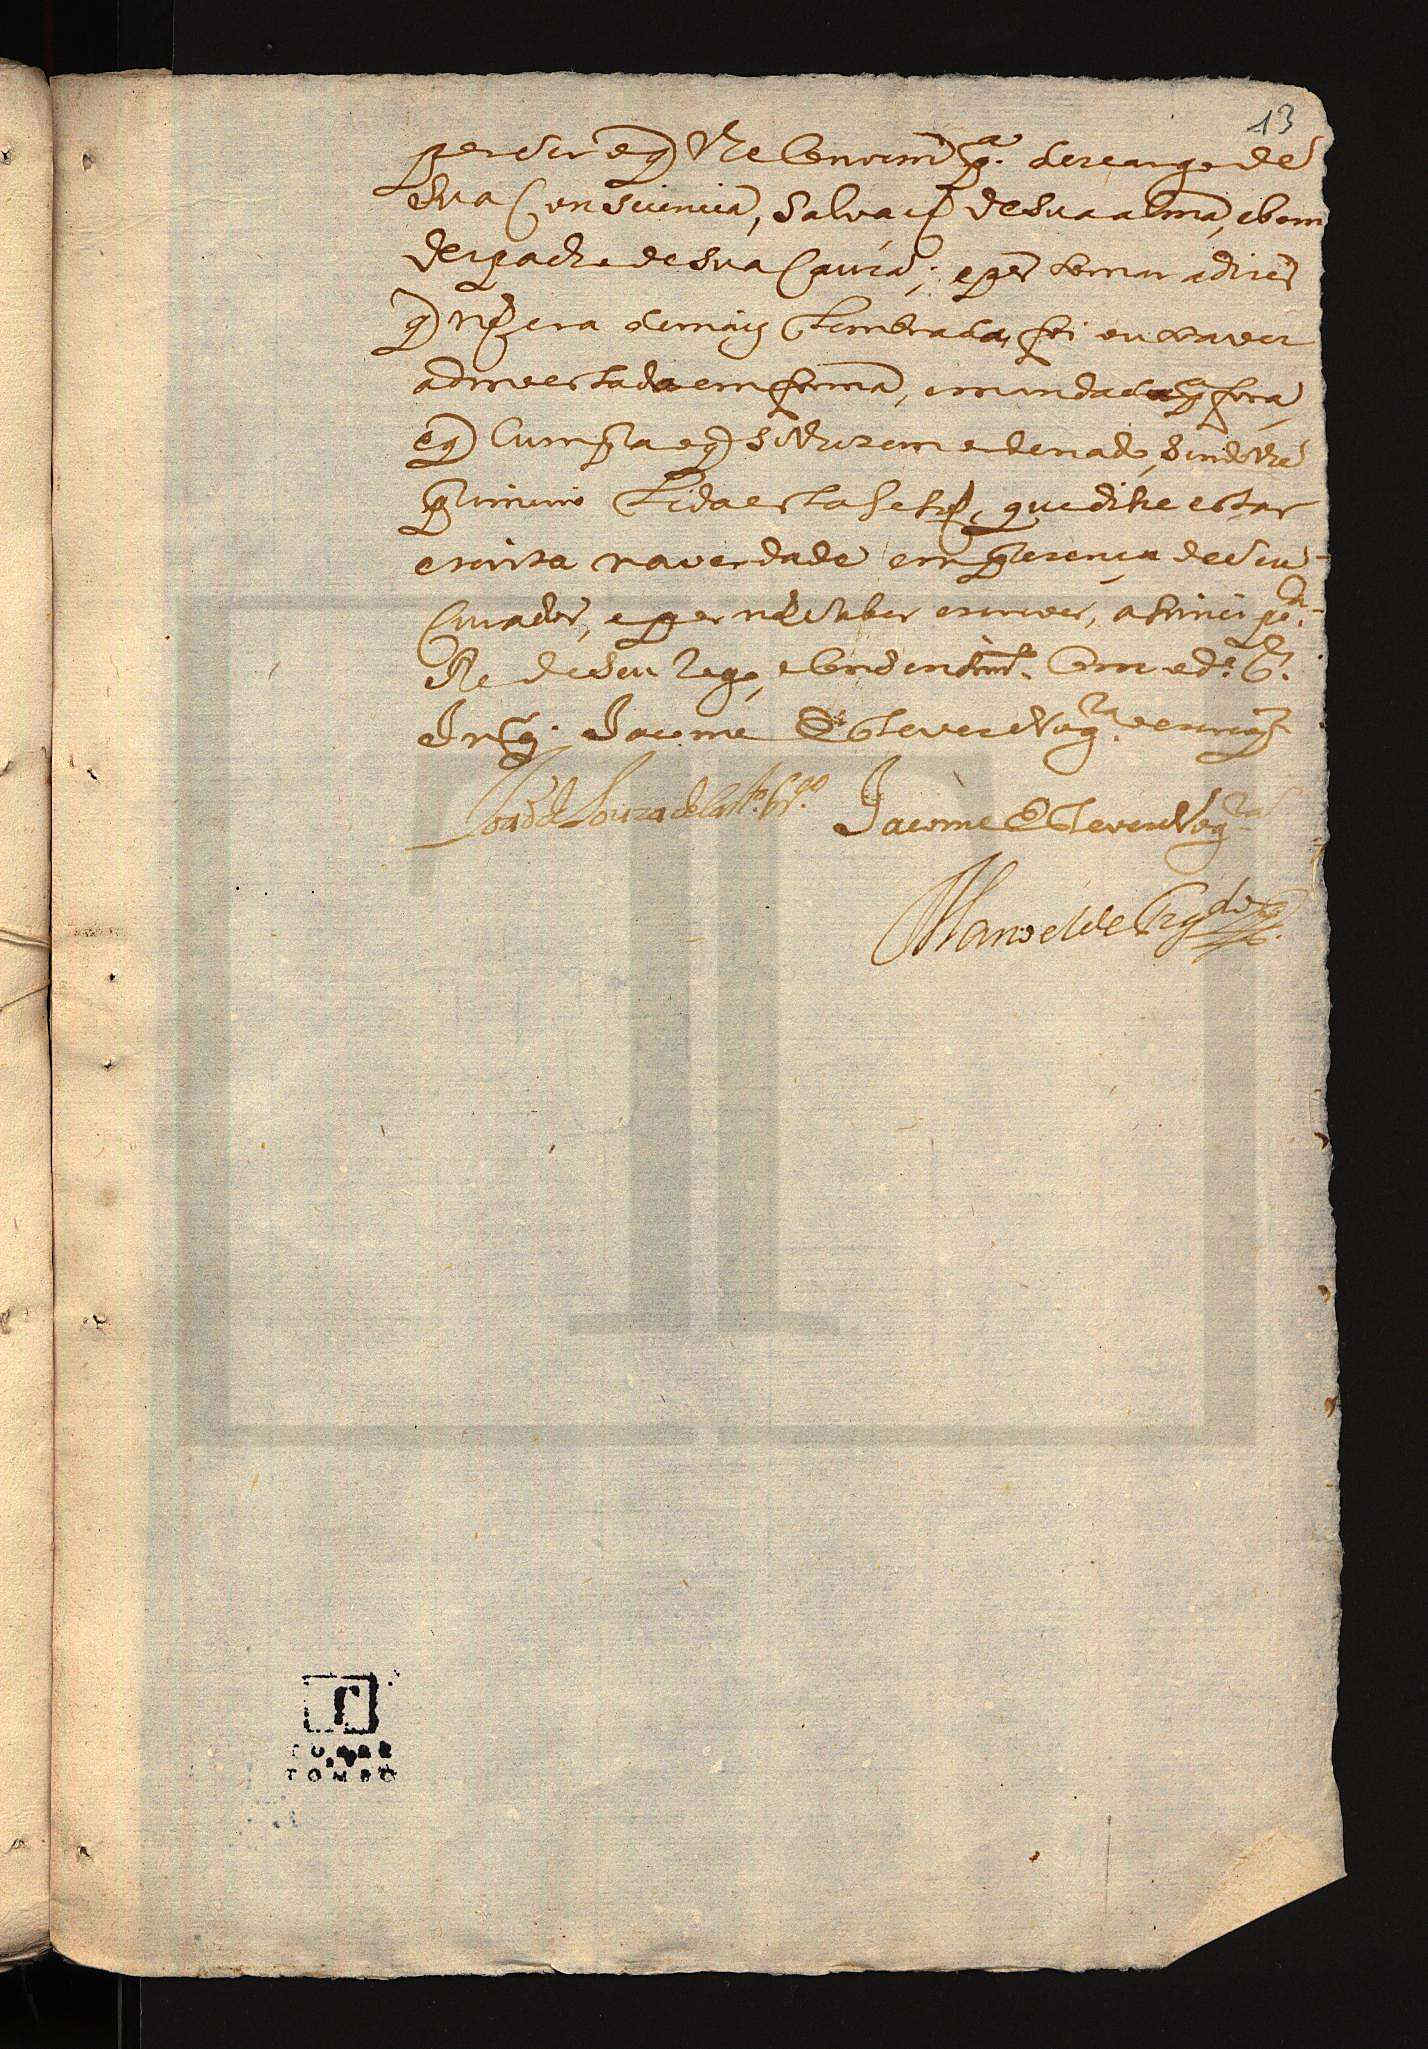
por ser o q̄ lhe Convem p.a descargo de
sua Consciencia, salvaçaõ de sua alma, e bom
despacho de sua Cauza; e por tornar a dizer
q̄ naõ era de mais lembrada, foi outra vez
admoestada em forma, e mandada pa fora,
e q̄ CumpRa o q̄ se lhe tem ordenado, sendolhe
pRimeiro Lida esta sesaõ, que disse estar
escrita na verdade em pRezença de seu
Curador, e por naõ saber escrever, assinei pe.la
Re de Seu Rego, e Consentim.to Com o d.o s.r
Inq.r Iacome Esteves Nogra. o escrivj
Ioaõ de Souza de Casto br.co
Iacome Esteven Nogra
Manoel de Fig.do
